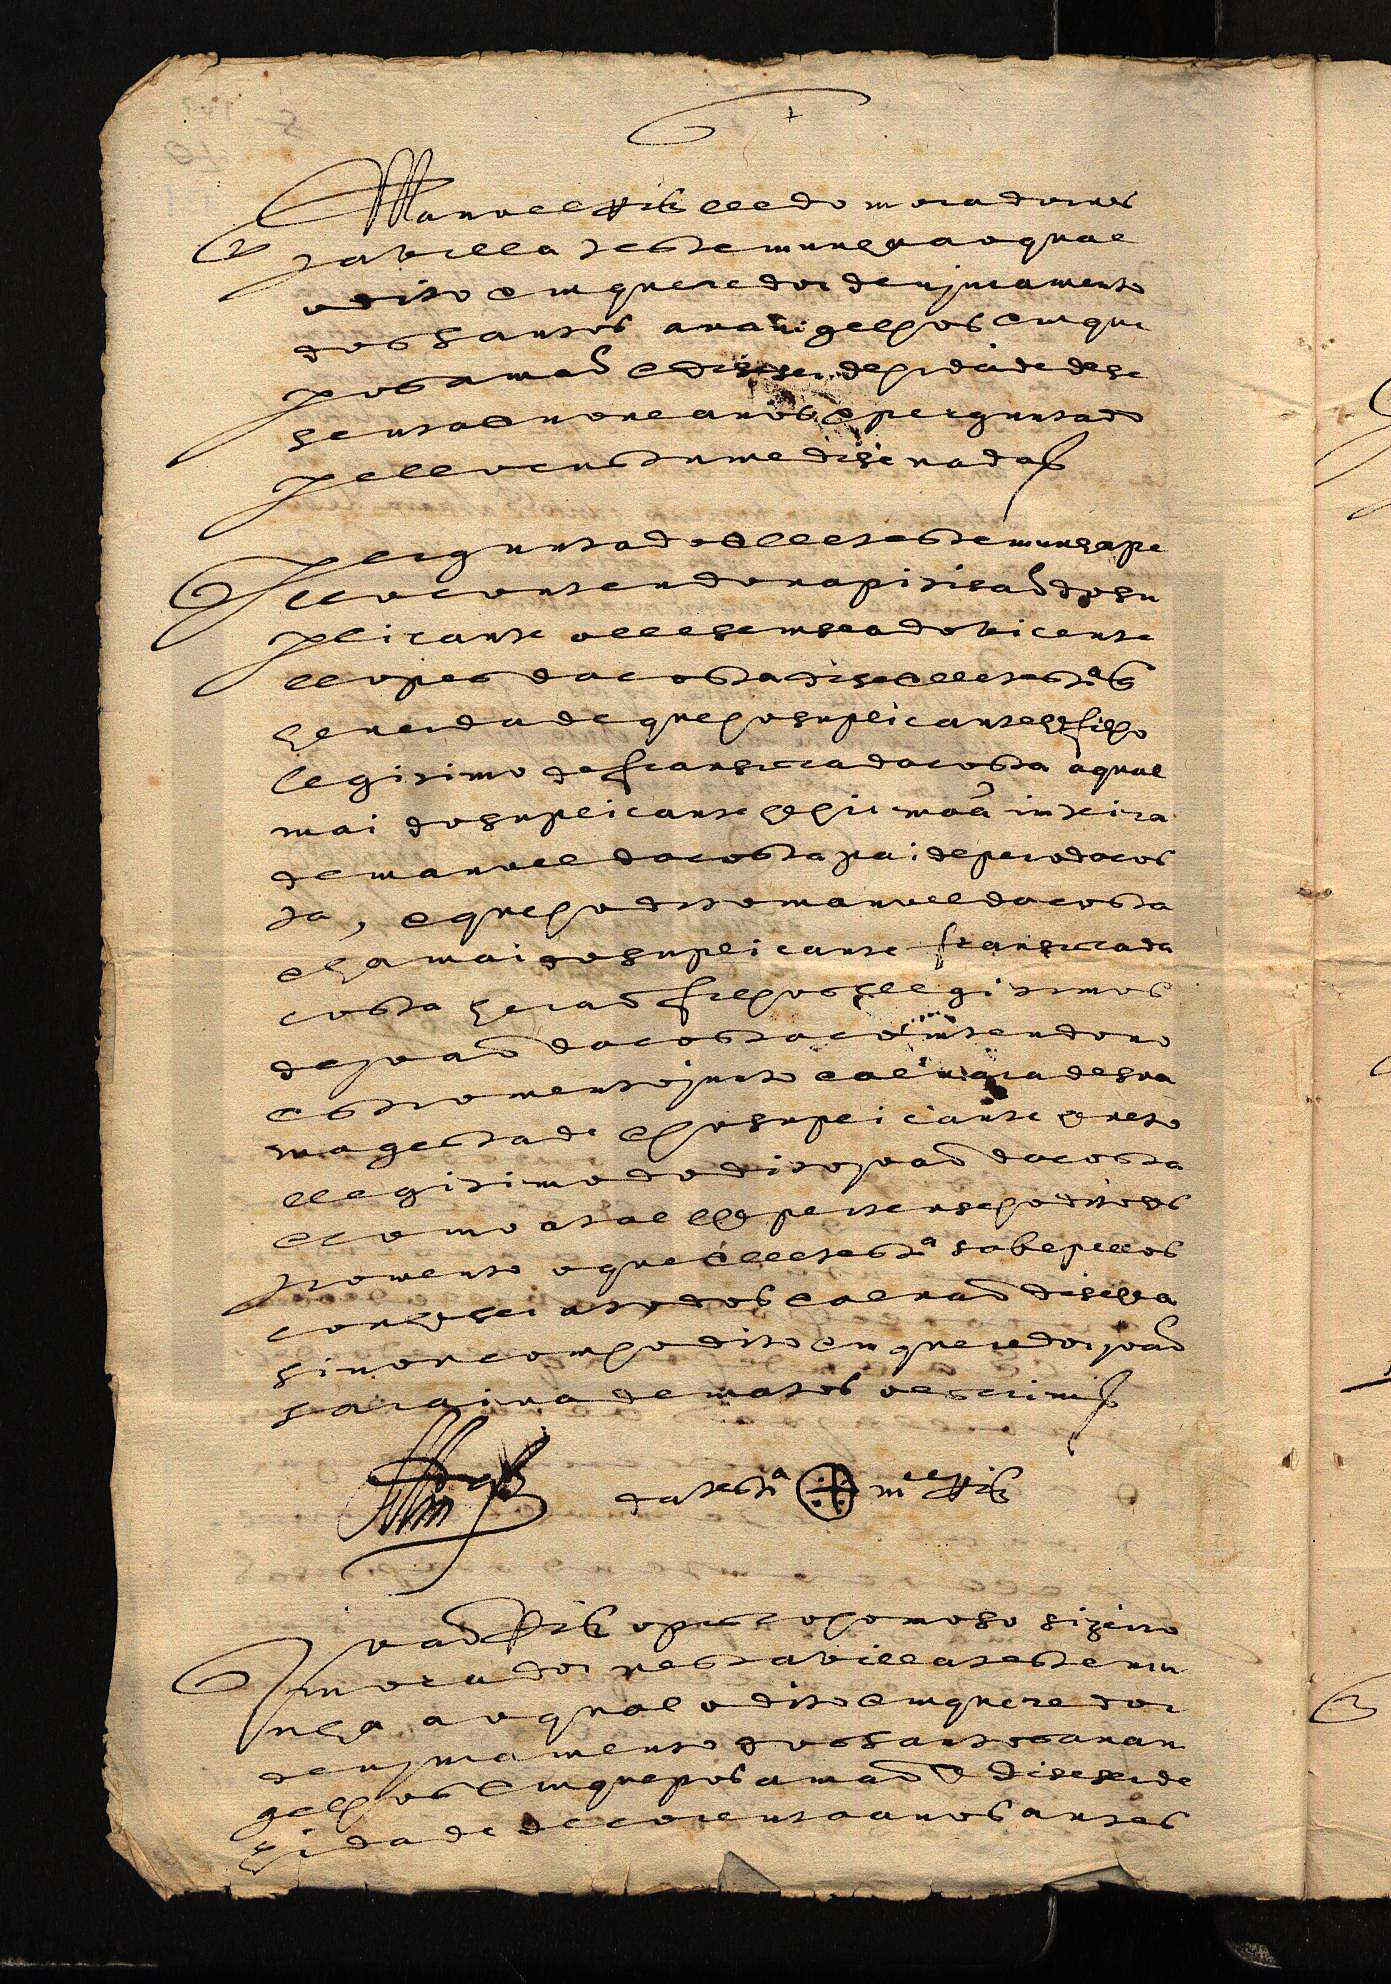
item Manoel Riz̄ lledo morador nes
ta villa testemunha ao qual
o dito emqueredor deu juramento
dos santos auangelhos em que
pos a maõ e dise ser de hidade de se
senta e noue anos e perguntado
pello custume dise nada
perguntado elle testemunha pe
llo conteudo na pitisaõ do su
plicante o llesemseado vicente
llopes da costa dise elle testa q̄
he uerdade que ho suplicante he filho
legitimo de fransisca da costa a qual
mai do suplicante he hirmaā imteira
de manoel da costa pai de pero da cos
ta, e que ho dito manoel da costa
e ha mai do suplicante fransisca da
costa heraõ filhos llegitimos
de joaõ da costa comteudo no
estromento junto e aluara de sua
magestade e ho suplicante he neto
llegitimo do dito joaõ da costa
e como a tal lhe pertense ho dito hes
tromento o que elle testa sabe pellos
conheser a todos e al naõ dise he a
sinou com ho dito enqueredor joaõ
saraiua de matos o escriui
da testa
mel Riz̄
Joaõ Riz̄ o pisco ho moso sizeiro
morador nesta villa testemu
nha ao qual o dito emqueredor
deu juramento dos santos auan
gelhos em que pos a maõ he dise ser de
hidade de corenta anos antes
